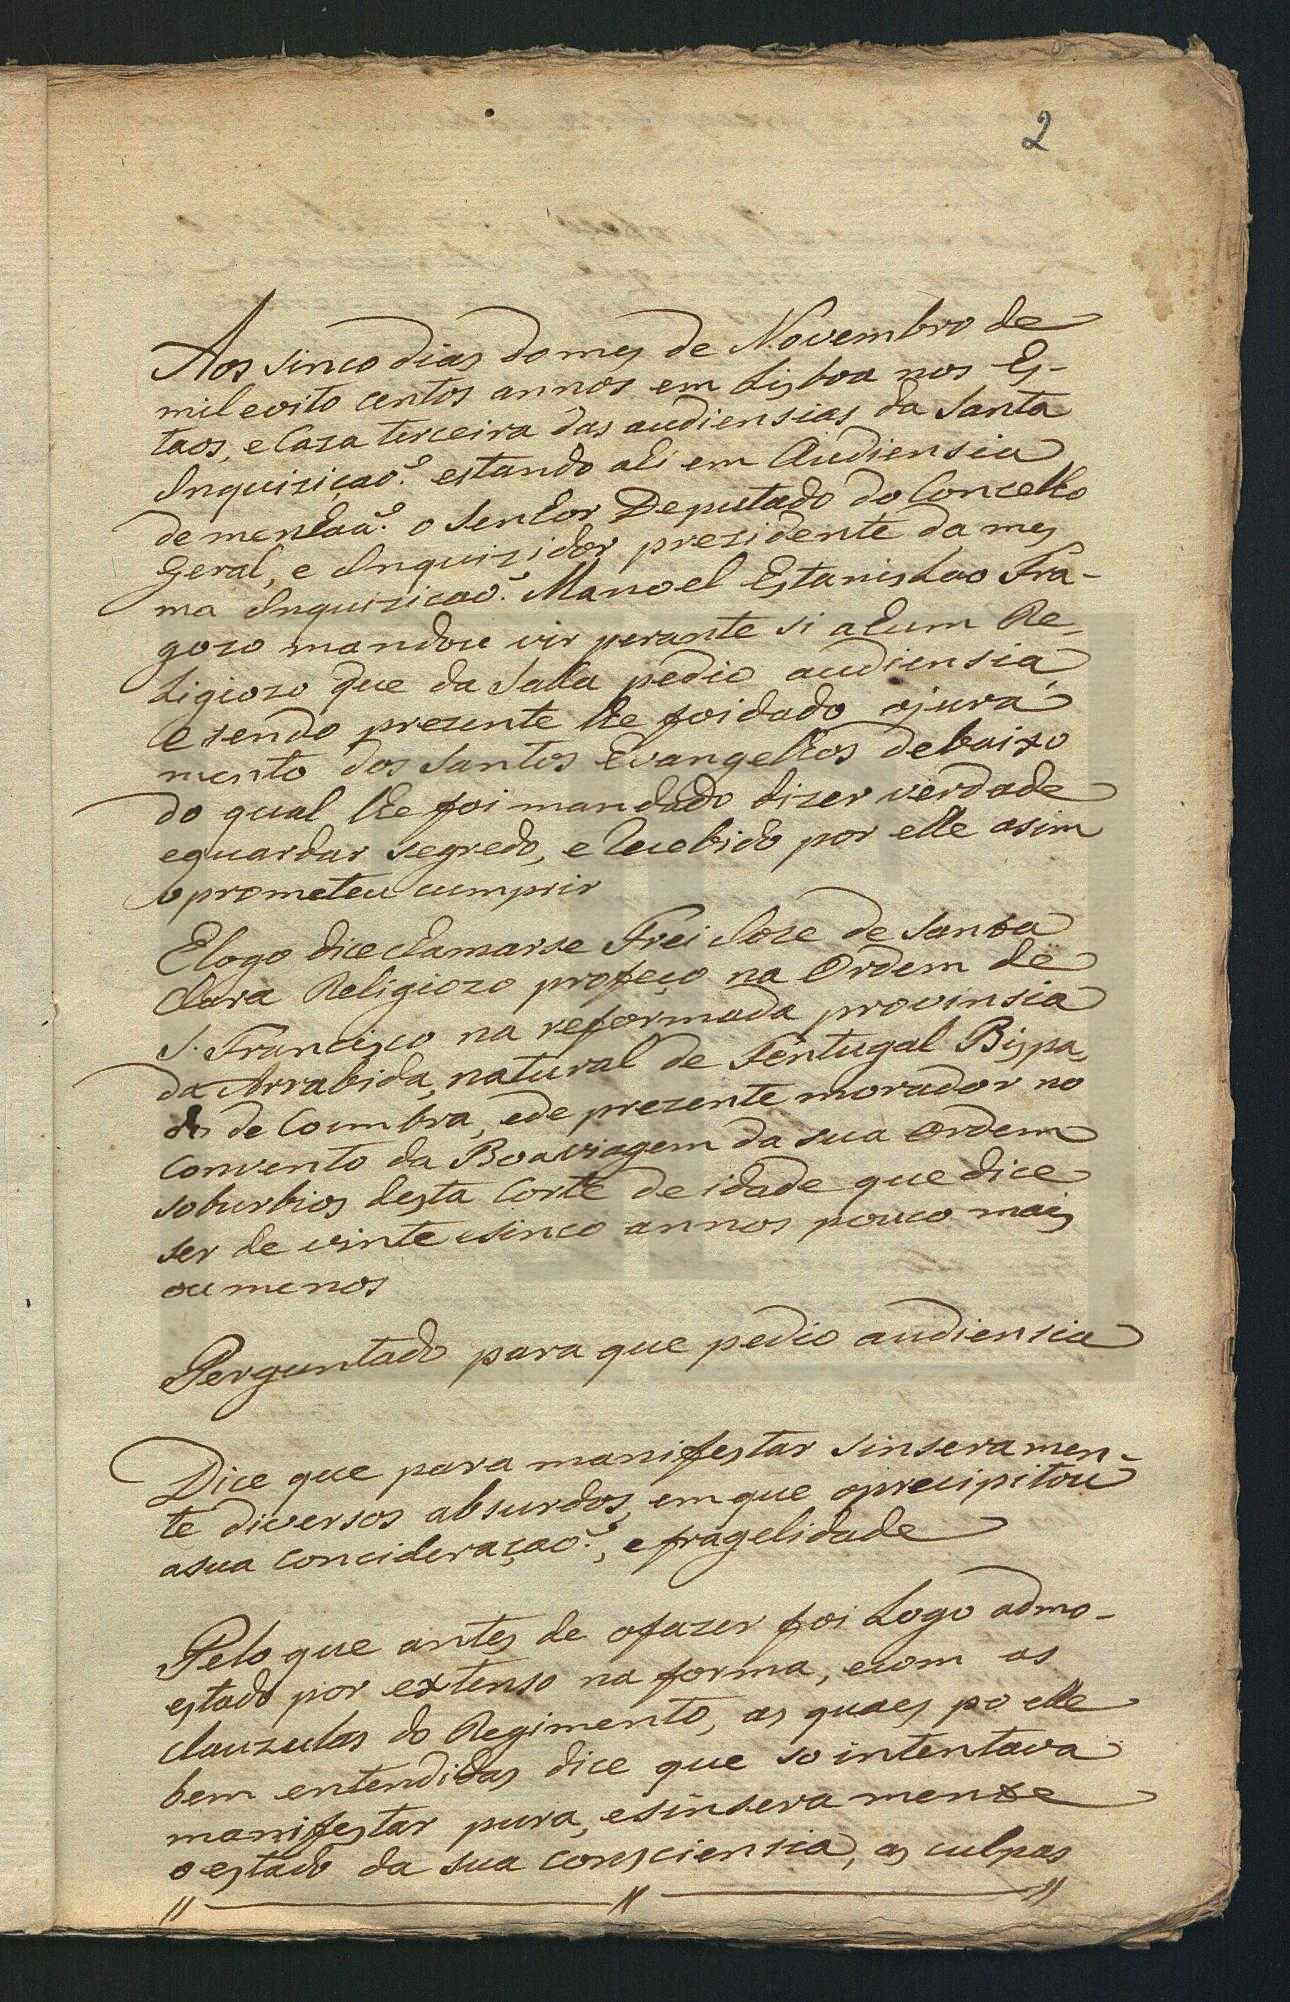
2
Aos sinco dias do mes de Novembro de
mil e oitocentos annos em Lisboa nos Es
taos, e Caza terceira das audiensias da Santa
Inquiziçaõ estando ahi em audiensia
de menhaã o Senhor Deputado do Concelho
Geral, e Inquizidor prezidente da mes
ma Inquiziçaõ Manoel Estanislao Fra
gozo mandou vir perante si a hum Re
ligiozo que da salla pedio audiensia,
e sendo prezente lhe foi dado o jura
mento dos Santos Evangelhos debaixo
do qual lhe foi mandado dizer verdade
e guardar segredo, e Recebido por elle asim
o prometeu cumprir
E logo dice chamarse Frei Ioze de Santa
Clara Religiozo profeço na Ordem de
S. Francisco na reformada provinsia
da Arrabida, natural de Tentugal Bispa
do de Coimbra, e de prezente morador no
Convento da Boa viagem da sua ordem
soburbios desta corte de idade que dice
ser de vinte e sinco annos pouco mais
ou menos
Perguntado para que pedio audiensia
Dice que para manifestar sinseramen
te diversos absurdos, em que o precipitou
a sua concideraçaõ, e fragelidade
Pelo que antes de o fazer foi Logo admo
estado por extenso na forma, e com as
clauzulas do Regimento, as quaes po elle
bem entendidas dice que só intentava
manifestar pura, e sinseramente
o estado da sua consciencia, as culpas
